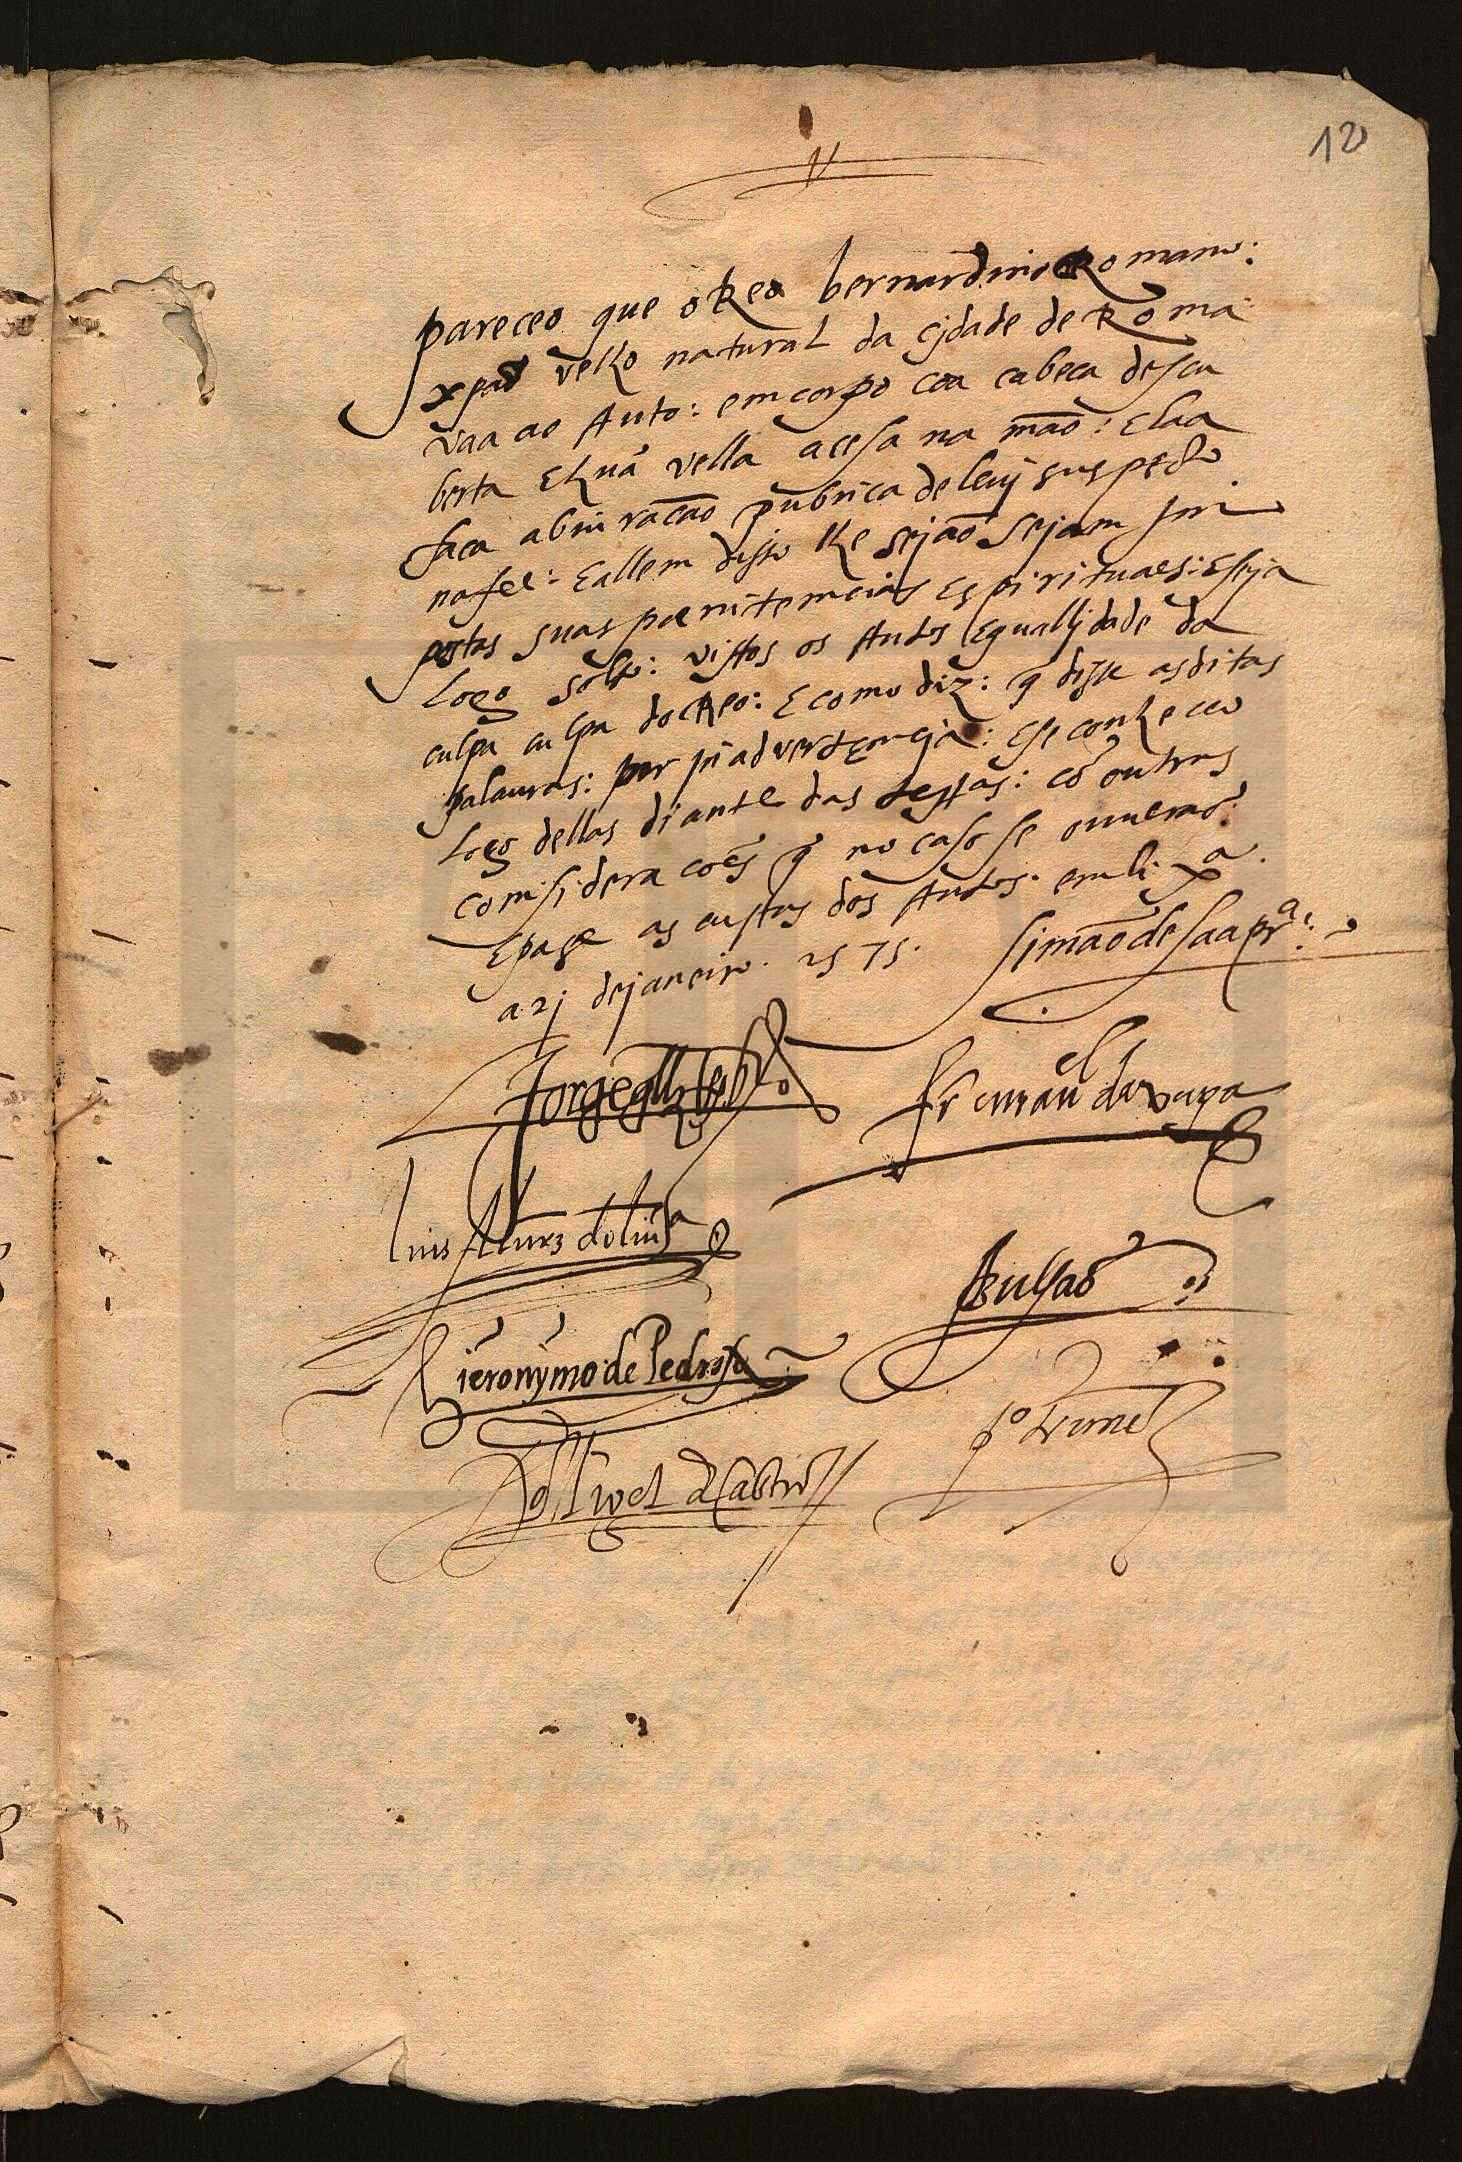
pareceo que o Reo bernardino Romano
xpaõ velho natural da cjdade de Roma
vaa ao Auto: em corpo coa cabeça descu
berta e huā vella acesa na mão: E laa
faça abiuração pubrica de leuj suspecto
na fee: E allem disso lhe sejaõ sejam Jm
postas suas pænitemcias Espirituaes: E seya
logo solto: vistos os Autos E qualljdade da
culpa culpa do Reo: E como diz q̄ disse as ditas
palauras por jnadvertEmcja E se conheceo
logo dellas diante das testas cō outras
comsideraçoẽs q̄ no caso se ouueraõ
E page as custas dos Autos. Em lixa
a 2i de janeiro 1575.
Simão de Saa pra.
fr̄ emanel da veiga
Jorge ḡllz Rybro
Luis Alūrz doliura
Bulhaõ
hieronymo de Pedrosa
po Nunez
Migel de Castro
